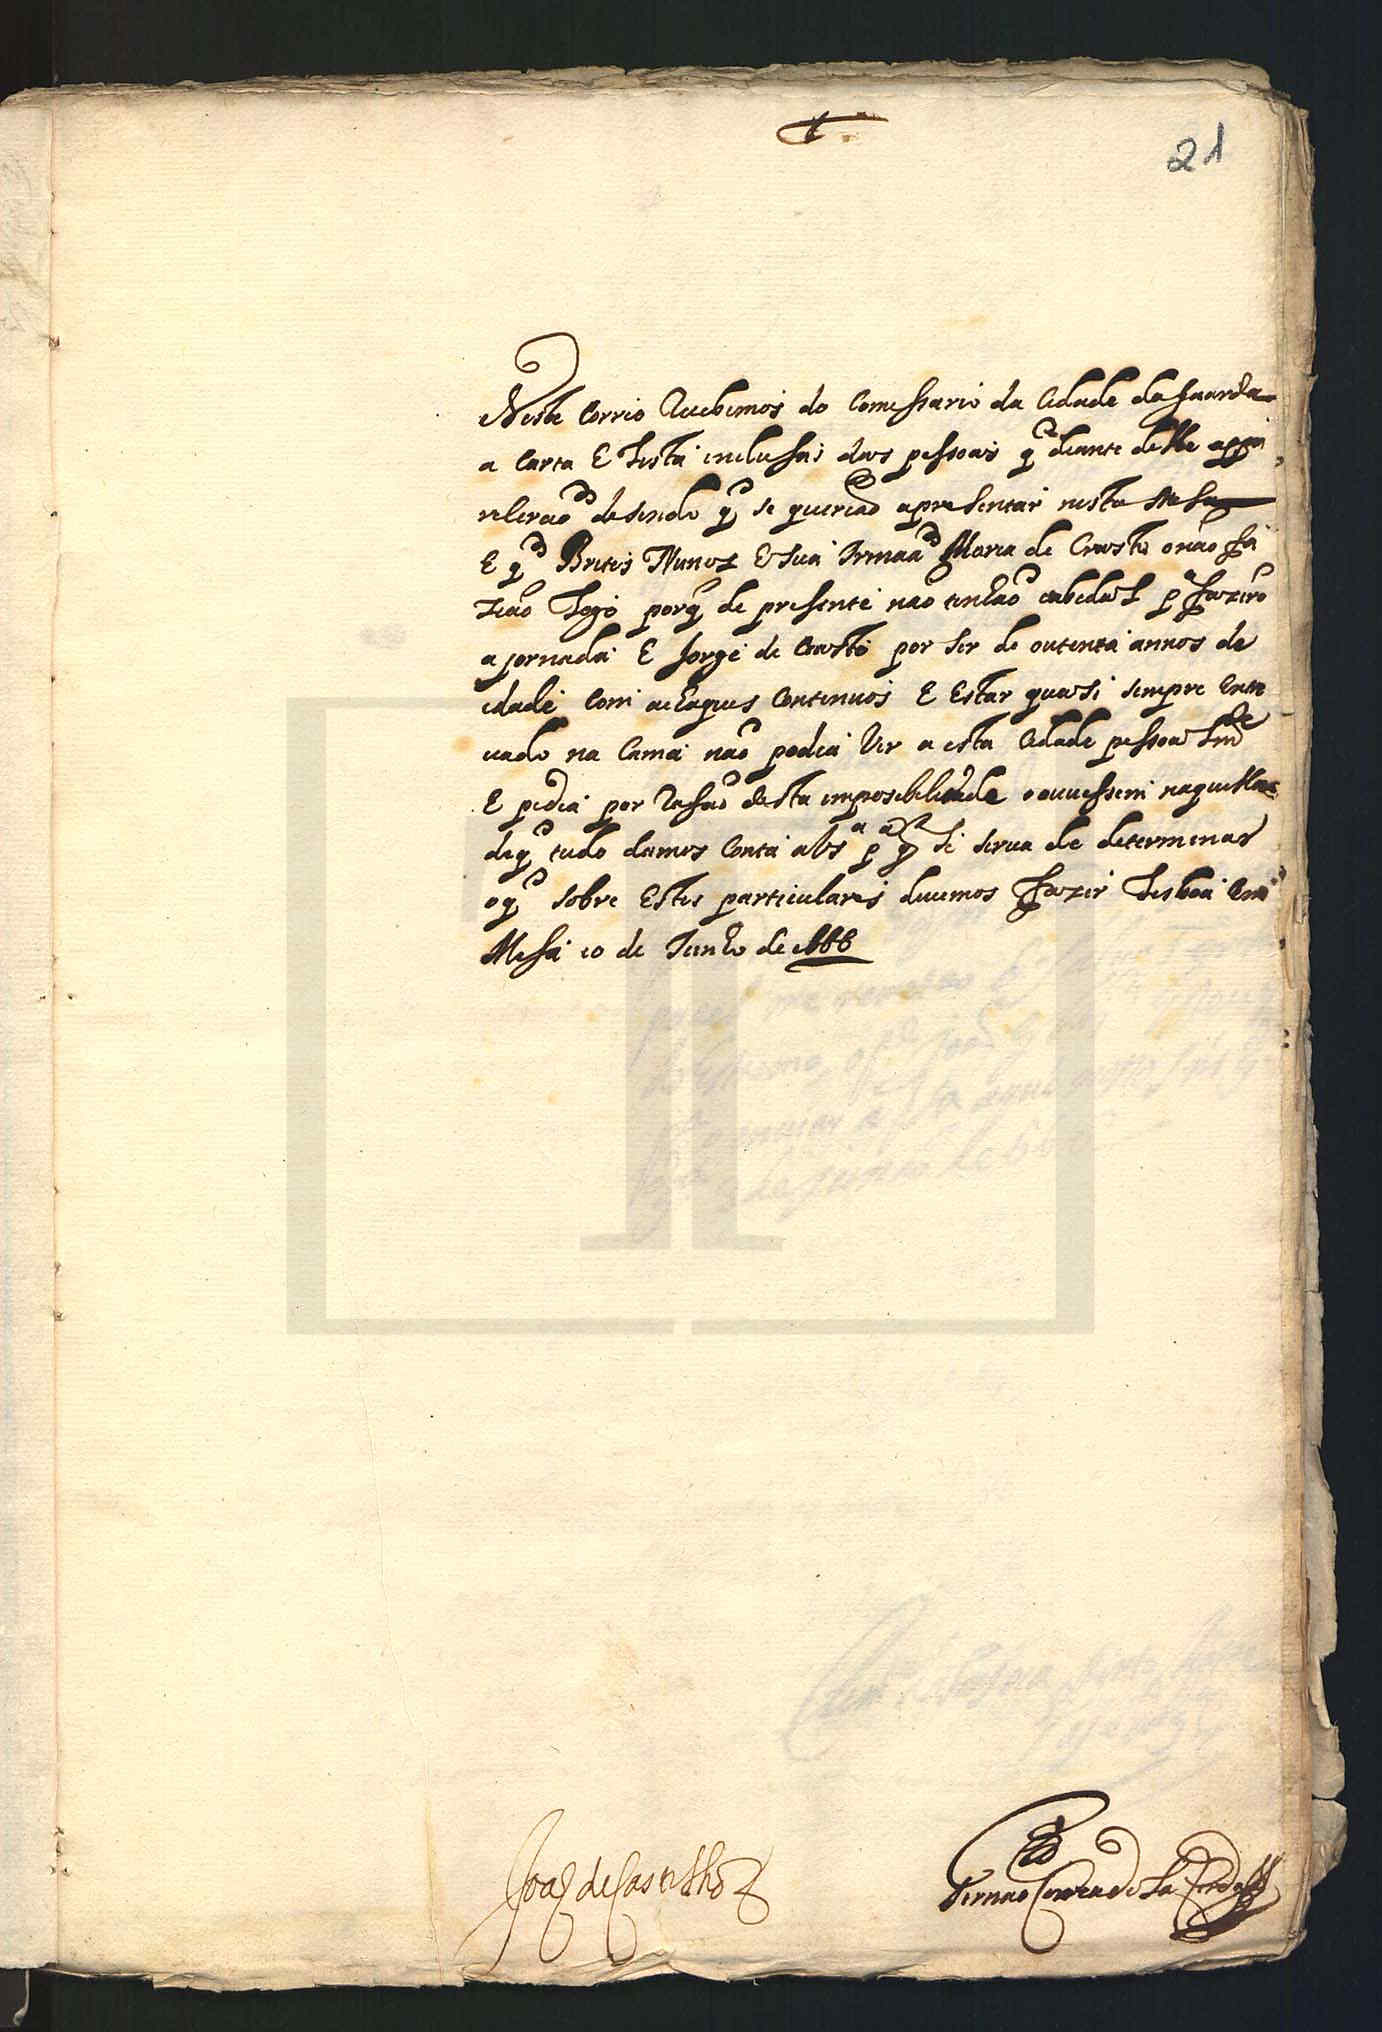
Neste correo Recebemos do Comissario da Cidade da Guarda
a carta E Lista inclusas das pessoas q̄ diante delle appa
receraõ desendo q̄ se queriaõ apresentar nesta Mesa
E q̄ Brites Nunez E sua Irmaã Maria de Crasto o não fa
ziaõ Logo porq̄ de presente naõ tinhaõ cabedal pa fazerē
a jornada E Jorge de crasto por ser de outenta annos de
idade com achaques continuos E Estar quasi sempre Entre
uado na Cama naõ podia Vir a esta cidade pessoalmte
E pedia por Rasaõ desta imposibilidade o ouuessem naquella
de q̄ tudo damos conta a Vsa pa q̄ se sirua de determinar
o q̄ sobre Estes particulares deuemos fazer Lisboa Em
Mesa 10 de Iunho de 666
Fernaõ Correa de LaCerda
Joaꝭ de Castilho
